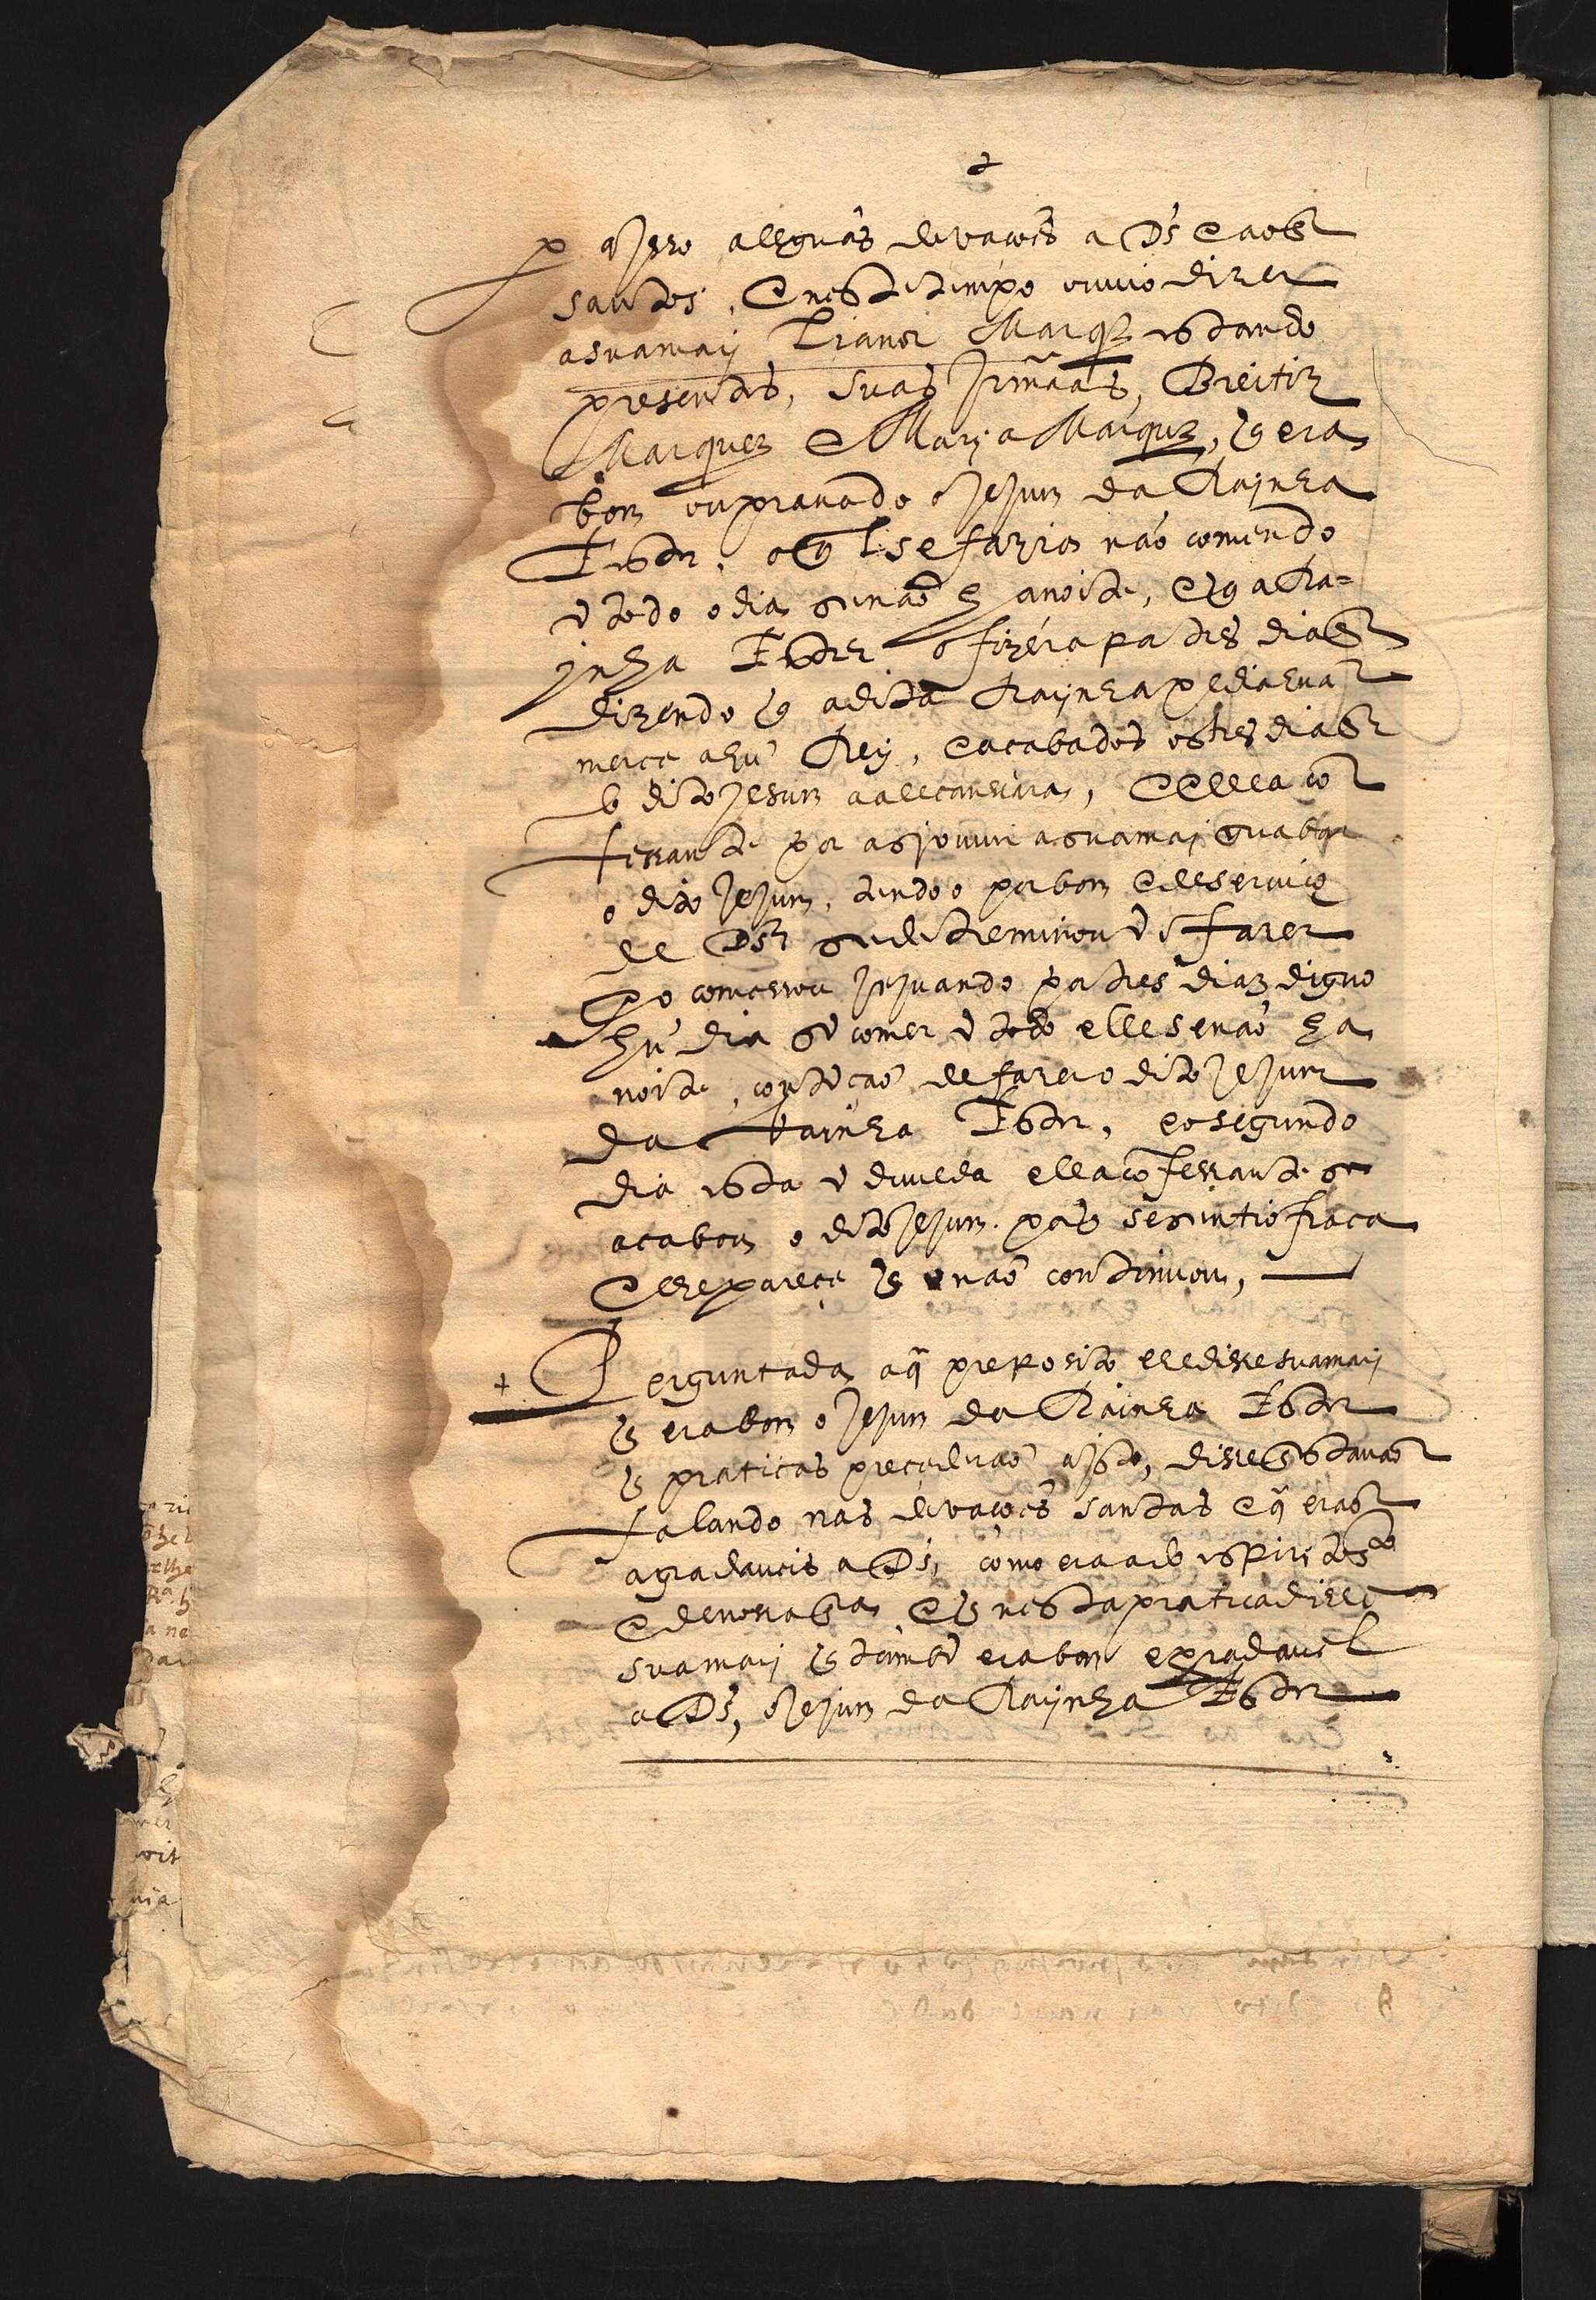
ꝑa Jsso allgu̅as devações a Ds̅ e aos̄
santos, e neste tempo ouuio dizer
a sua may Lianor Marq̅z estando
presentes, suas Jrma̅as, Breitiz
Marquez e Marja Marquz, q̅ era
bom ou prouado o JeJum da Rajnha
Ester. o q̅l se fazia não comendo
e̅ todo o dia se não ha noite, e q̅ a Ra
jnha Ester o fizéra por tres dias
dizendo q̅ a dita Raynha pedia hu̅a
merçe a hu̅ Rey, e acabados os tres dias
do dito Jesum a allcansiara, e ellla co̅
fessante por asj ouuir a sua maj guabar
o dito Jejum, tendo o por bom e de seruiço
de D̅s se detreminou e̅ o fazer
e o comessou Jejuando por tres diaz diguo
hu̅ dia se̅ comer e̅ todo elle senão ha
noite, con te̅ção de fazer o dito JeJum
da Rainha Ester, e o segundo
dia esta e̅ duueda ella co̅fessante se
acabou o dito Jejum porq̅ se sentio fraca
e lhe pareçe q̅ o não continuou,
Perguntada a q̅ preposito lhe disse sua may
q̅ era bom o Jejum da Rainha Ester
q̅ praticas preçederão a jsto, disse q̅ estauão
falando nas devações santas e q̅ erão
agradaueis a D̅s, como era a do espirito sto
e de nossa sra, e q̅ nesta pratica disse
sua maj q̅ tambe̅ era bon e gradaueL
a Ds̅, o Jejum da Raynha Ester
